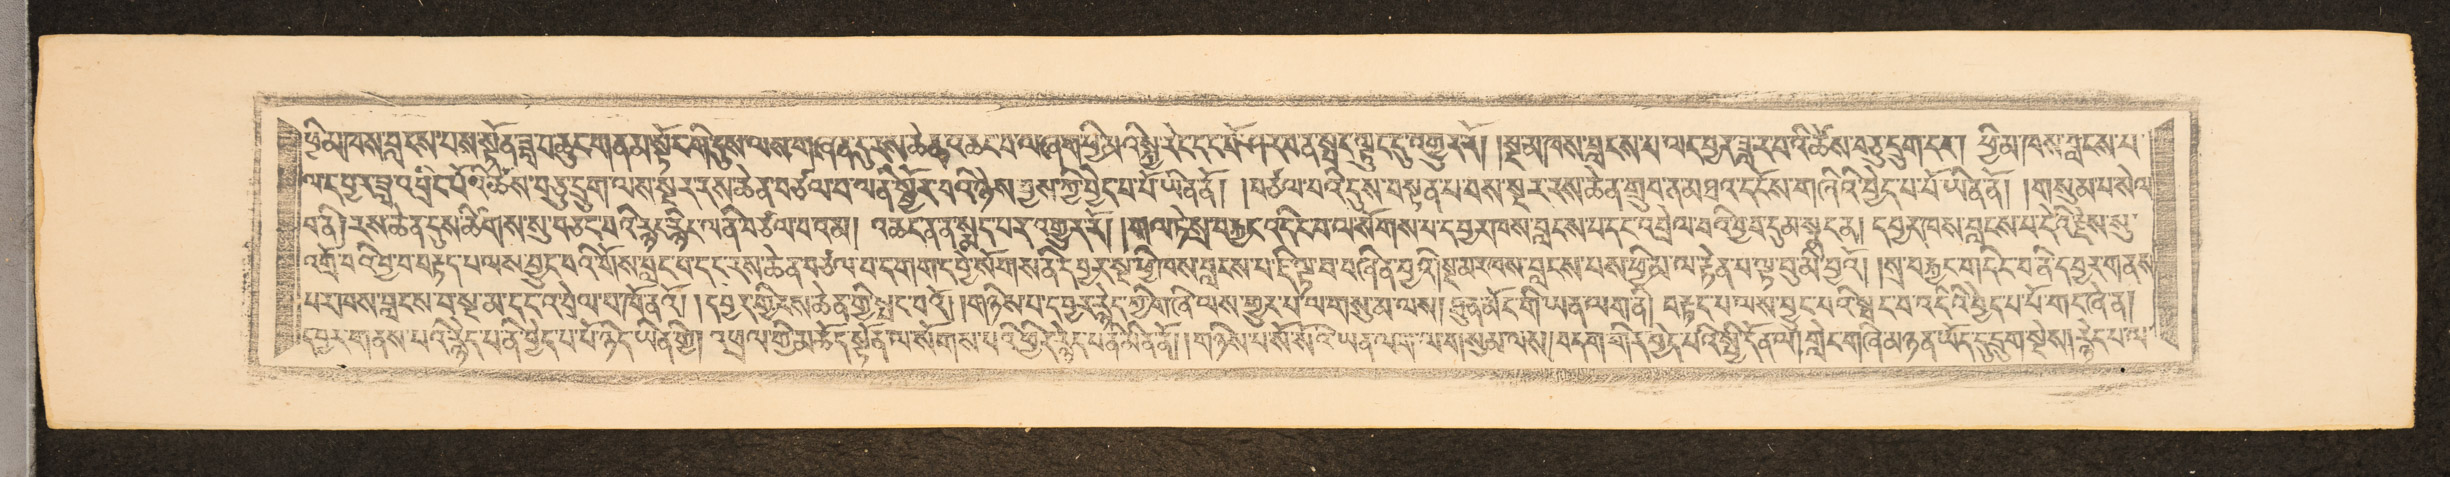ཕྱི་མཁས་བླངས་བས་སྟོན་ཟླ་ཐ་ཆུང་གནམ་སྟོང་གི་དུས་ལས་གཞན་དུ་རས་ཆེན་འཆང་བ་ལ་ཞག་ཕྱི་མའི་སྐྱ་རེང་དང་པོ་ཤར་བ་ན་སྤང་ལྟུང་དུ་འགྱུར་རོ། །སྔམ་ཁས་བླངས་བ་ལང་བྱར་ཟླར་བའི་ཚེས་བཅུ་དྲུག་དང་། ཕྱི་མ་ཁས་བླངས་པ་
ལ་དབྱར་ཟླ་འབྲིང་བོའི་ཆེས་བཅུ་དྲུག་ལས་སྔར་རས་ཆེན་བཙལ་བ་ལ་ནི་སྦྱོར་བའི་ཉེས་བྱས་ཀྱི་བྱེད་པ་པོ་ཡིན་ནོ། །བཙལ་བའི་དུས་བསྟན་པ་བས་སྔར་རས་ཆེན་གྲུབ་ན་མཐའ་དངོས་གཞིའི་བྱེད་པ་པོ་ཡིན་ནོ། །གསུམ་བ་སེལ་
བ་ནི༑ རས་ཆེན་དུས་ཚིགས་སུ་བཅད་བའི་རྙང་རྙིང་ལ་ནི་བཙལ་བ་འམ། འཆང་ནན་སྨད་པར་འགྱུར་རོ། །གལ་ཏེ་སྲ་བརྐྱང་བདིང་བ་ལ་སོགས་པ་དབྱར་ཁས་བླངས་པ་དང་འབྲེལ་བའི་བྱ་བ་དུམ་སྣང་ན། དབྱར་ཁས་བླངས་པ་དེའི་རྗེས་སུ་
འགྲོ་བའི་བྱ་བ་བརྟད་པ་ལས་བྱུང་བའི་གོས་བླང་བ་དང་རས་ཆེན་བཙལ་བ་དགག་དབྱེ་སོགས་ནི་དབྱར་སྔ་ཕྱི་ཁས་བླངས་པ་ཇི་ལྟ་བ་བཞིན་བྱའི། སྔ་མར་ཁས་བླངས་བས་ཕྱི་མ་ལ་རྟེན་པ་ལྟ་བུ་མི་བྱའོ། །སྲ་བརྐྱང་གདིང་བ་ནི་དབྱར་གནས་
པར་ཁས་བླངས་བ་སྔ་མ་དང་འབྲེལ་བ་ཁོ་ནའོ། །དབྱར་གྱི་རས་ཆེན་གྱི་སྦང་བའོ། །གཉིས་པ་དབྱར་རྙེད་ཀྱི་གཞི་ལས་གྱུར་བ་ལ་གསུམ་ལས། ཐུན་མོང་གི་ཡན་ལག་ནི། བརྟད་པ་ལས་བྱང་བའི་སྤང་བ་འདིའི་བྱེད་པ་བོག་ང་ཞེ་ན།
དབྱར་གནས་པའི་རྙེད་པ་ནི་བྱེད་པ་པོ་ཉིད་ཡིན་གྱི། འཕྲལ་གྱི་མཆོད་སྟོན་ལ་སོགས་པའི་ཕྱིར་རྙེད་པ་ནི་མིན་ནོ། །གཉིས་པ་སོ་སོའི་ཡན་ལག་ལ་གསུམ་ལས། བདག་གིར་བྱེད་པའི་སྤྱི་དོན་ལེ། གླེང་གཞི་མཉན་ཡོད་དུ་དྲུག་སྡེས། རྙེད་པ་ལ་